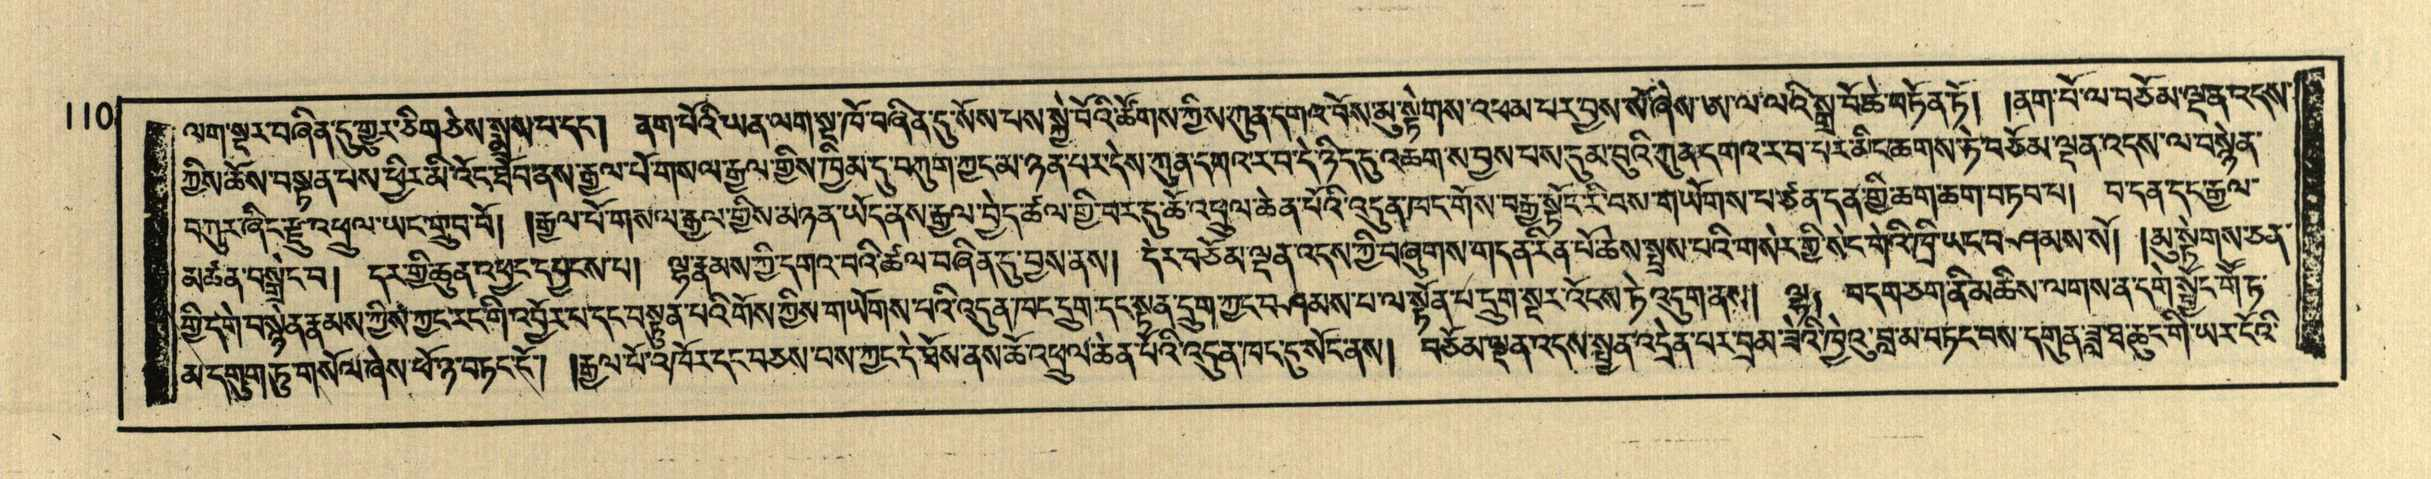ལག་སྔར་བཞིན་དུ་གྱུར་ཅིག་ཅེས་སྨྲས་པ་དང་། ནག་པོའི་ཡན་ལག་སྔ་ཁོ་བཞིན་དུ་སོས་པས་སྐྱེ་བོའི་ཚོགས་ཀྱིས་ཀུན་དགའ་བོས་མུ་སྟེགས་འཕམ་པར་བྱས་སོ་ཞེས་ཨ་ལ་ལའི་སྒྲ་བོ་ཆེ་བཏོན་ཏོ། །ནག་པོ་ལ་བཅོམ་ལྡན་འདས་
ཀྱིས་ཆོས་བསྟན་པས་ཕྱིར་མི་འོད་ཐོབ་ནས་རྒྱལ་པོ་གསལ་གྱིས་ཁྱིམ་དུ་བཀུག་ཀྱང་མ་ཉན་པར་དེས་ཀུན་དགའ་རབ་དེ་ཉིད་དུ་འཆག་ས་བྱས་པས་དུམ་བུའི་ཀུན་དགའ་རབ་པར་མིང་ཆགས་ཏེ་བཅོམ་ལྡན་འདས་ལ་བསྙེན་
བཀུར་ཞིང་རྫུ་འཕྲུལ་ཡང་གྲུབ་བོ། །རྒྱལ་པོ་གསལ་རྒྱལ་གྱིས་མཉན་ཡོད་ནས་རྒྱལ་བྱེད་ཚལ་གྱི་བར་དུ་ཆོ་འཕྲུལ་ཆེན་པོའི་འདུན་ཁང་གོས་བརྒྱ་སྟོང་རི་བས་གཡོགས་པ་ཙན་དང་གྱི་ཆག་ཆག་བཏབ་པ། བ་དན་དང་རྒྱལ་
མཚན་བསྒྲེང་བ། དར་གྱི་ཆུན་ཕྱང་དབྱངས་པ། ལྷ་རྣམས་ཀྱི་དགའ་བའི་ཚལ་བཞིན་དུ་བྱས་ནས། དེར་བཅོམ་ལྡན་འདས་ཀྱི་བཞུགས་གདན་རིན་པོ་ཆེས་སྤྲས་པའི་གསེར་གྱི་སེང་གེའི་ཁྲི་ཡང་བཤམས་སོ། །མུ་སྟེགས་ཅན་
གྱི་དགེ་བསྙེན་རྣམས་ཀྱིས་ཀྱང་རང་གི་འབྱོར་པ་དང་བསྟུན་པའི་གོས་ཀྱིས་གཡོགས་པའི་འདུན་ཁང་དྲུག་དང་སྟན་དྲུག་ཀྱང་བཤམས་པ་ལ་སྟོན་པ་དྲུག་སྔར་འོངས་ཏེ་འདུག་ནས། ལྷ། བདག་ཅག་ནི་མཆིས་ལགས་ན་དགེ་སྦྱོང་གཽ་ཏ་
མ་དགུག་ཏུ་གསོལ་ཞེས་ཕོ་ཉ་བཏང་ངོ། །རྒྱལ་པོ་འཁོར་དང་བཅས་བས་ཀྱང་དེ་ཐོས་ནས་ཆོ་འཕྲུལ་ཆེན་པོའི་འདུན་ཁང་དུ་སོང་ནས། བཅོམ་ལྡན་འདས་སྤྱན་འདྲེན་པར་བྲམ་ཟེའི་ཁྱེའུ་བླ་མ་བཏང་བས་དགུན་ཟླ་ཐ་ཆུང་གི་ཡར་ངོའི་